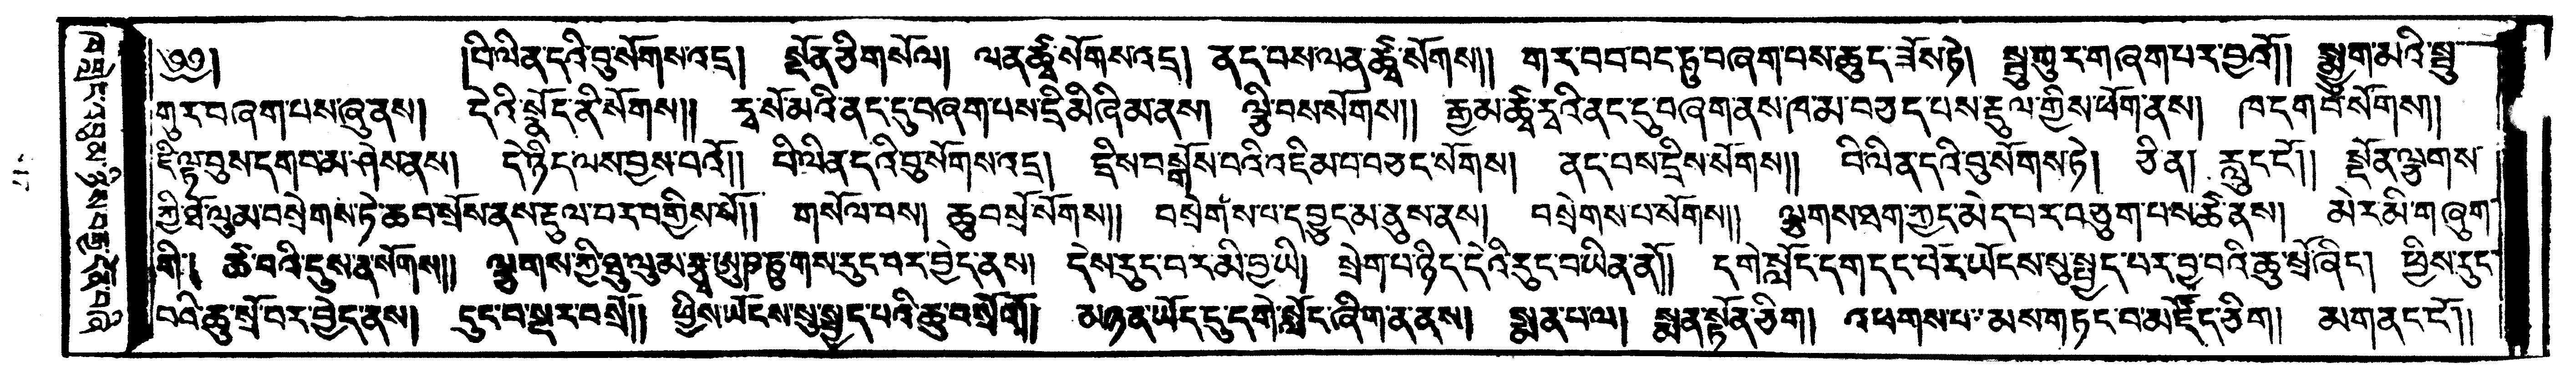༄༅། །པི་ལིན་དའི་བུ་སོགས་འདྲ། སྔོན་ཅི་གསོལ། ལན་ཚྭ་སོགས་འདྲ། ནད་བས་ལན་ཚྭ་སོགས།། གར་བབ་བང་ཏུ་བཞག་པས་ཆུད་ཟོས་ཏེ། སྦུ་ཀུར་གཞག་པར་བྱའོ།། སྨྱུག་མའི་སྦུ་
གུར་བཞག་པས་ཞུ་ནས། དེའི་སྣོད་ནི་སོགས།། རྭ་སོ་མའི་ནང་དུ་བཞག་པས་དྲི་མི་ཞིམ་ནས། ལྕི་བས་སོགས།། རྒྱམ་ཚྭ་རྭའི་ནང་དུ་བཞག་ནས་ཁ་མ་བཅད་པས་རྡུལ་གྱིས་ཕོག་ནས། ཁ་དག་བ་སོགས།།
ཇི་ལྟ་བུས་དགབ་མ་ཤེས་ནས། དེ་ཉིད་ལས་བྱས་པའོ།། པི་ལིན་དའི་བུ་སོགས་འདྲ། དྲིས་བསོགས་པའི་འཇིམ་པ་བཅང་སོགས། ནད་པས་དྲིས་སོགས།། བི་ལིན་དའི་བུ་སོགས་ཏེ། ཅི་ན། རླུང་ངོ།། སྔོན་ལྕགས་
ཀྱི་ཐོ་ལུམ་བསྲེགས་ཏེ་ཆབ་སྲོས་ནས་རྡུལ་བར་བགྱིས་སོ།། གསོལ་བས། ཆུ་བསྲོ་སོགས།། བསྲེགས་པ་དབྱུད་མ་ནུས་ནས། བསྲེགས་པ་སོགས།། ལྕགས་ཐག་ཀྱང་མེད་པར་བཅུག་པས་ཚ་ནས། མེར་མི་གཞུག་
གི། ཚ་བའི་དུས་ན་སོགས།། ལྕགས་ཀྱི་ཐུ་ལུམ་རྩྭ་ཨུ་ཥ་ཎུ་གས་རུང་བར་བྱེད་ནས། དེས་རུང་བར་མི་བྱ་ཡི། སྲེག་པ་ཉིད་དེའི་རུང་བ་ཡིན་ནོ།། དགེ་སློང་དག་དང་པོར་ཡོངས་སུ་སྤྱད་པར་བྱ་བའི་ཆུ་སྲོ་ཞིང་། ཕྱིས་རུང་
བའི་ཆུ་སྲོ་བར་བྱེད་ནས། དུང་བ་སྔར་བསྲོ།། ཕྱིས་ཡོངས་སུ་སྤྱད་པའི་ཆུ་བསྲོའོ།། མཉན་ཡོད་དུ་དགེ་སློང་ཞིག་ན་ནས། སྨན་པ་ལ། སྨན་སྟོན་ཅིག། འཕགས་པ༑ མས་གཏད་བ་མཛོད་ཅིག། མ་གནང་ངོ།།